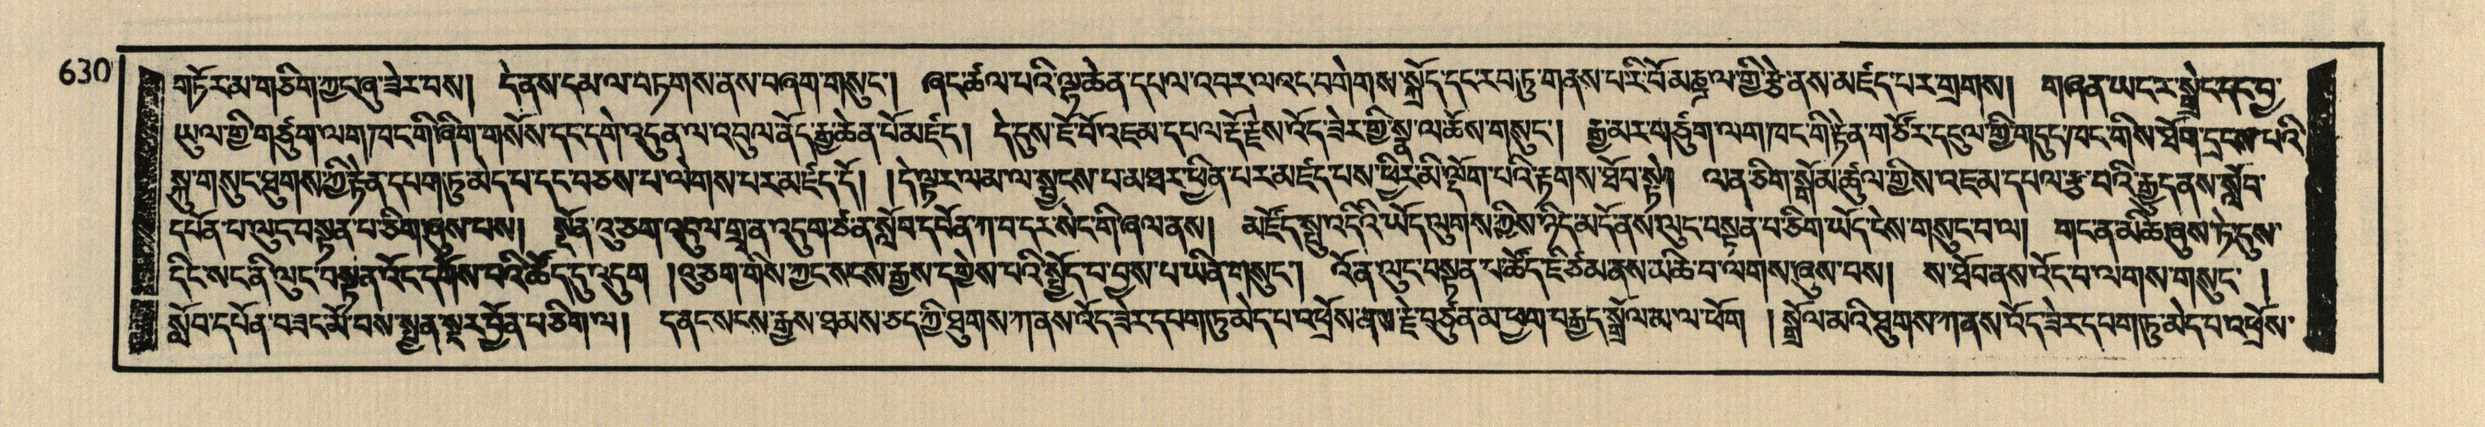གཏོར་མ་གཅིག་ཀྱང་ཞུ་ཟེར་བས། དེ་ནས་དམ་ལ་བཏགས་ནས་བཞག་གསུང་། ཞང་ཚལ་པའི་ལྷ་ཆེན་དཔལ་འབར་ལའང་བགེགས་སྐྲོད་དང་རབ་ཏུ་གནས་པ་རི་བོ་མཎྜལ་གྱི་རྩེ་ནས་མཛད་པར་གྲགས། གཞན་ཡང་ར་སྒྲེང་དང་བྱ་
ཡུལ་གྱི་གཙུག་ལག་ཁང་གི་ཞིག་གསོས་དང་དགེ་འདུན་ལ་འབུལ་ནོད་རྒྱ་ཆེན་པོ་མཛད། དེ་དུས་ཇོ་བོ་འཇམ་དཔལ་རྡོ་རྗེས་འོད་ཟེར་གྱི་སྣ་ལ་ཆོས་གསུང་། རྒྱ་མར་གཙུག་ལག་ཁང་གི་རྟེན་གཙོར་དངུལ་གྱི་གདུང་ཁང་གིས་ཐོག་དྲངས་པའི་
སྐུ་གསུང་ཐུགས་ཀྱི་རྟེན་དཔག་ཏུ་མེད་པ་དང་བཅས་པ་ལེགས་པར་མཛད་དོ། །དེ་ལྟར་ལམ་ལ་སྦྱངས་པ་མཐར་ཕྱིན་པར་མཛད་པས་ཕྱིར་མི་ལྡོག་པའི་རྟགས་ཐོབ་སྟེ། ལན་ཅིག་སྒོམ་ཚུལ་གྱིས་འཇམ་དཔལ་རྩ་བའི་རྒྱུད་ནས་སློབ་
དཔོན་པ་ལུང་བསྟན་པ་ཅིག་ཞུས་པས། སྔོན་འུ་ཅག་འདུལ་གྲྭ་ན་འདུག་ཙ་ན་སློབ་དཔོན་ཀ་བ་དར་སེང་གི་ཞལ་ནས། མཛོད་སྤུ་འདིའི་ཡོད་ལུགས་ཀྱིས་ཉིད་མདོ་ནས་ལུང་བསྟན་པ་ཅིག་ཡོད་ངེས་གསུང་བ་ལ། གང་ན་མཆི་ཞུས་ཏེ་དུས་
དིང་སང་ནི་ལུང་བསྟན་འོང་དགོས་པའི་ཚོད་དུ་འདུག །འུ་ཅག་གིས་ཀྱང་སངས་རྒྱས་དགྱེས་པའི་སྤྱོད་བ་བྱས་པ་ཡིན་གསུང་། འོ་ན་ལུང་བསྟན་པ་ཚོད་ཇི་ཙམ་ནས་མཆི་བ་ལགས་ཞུས་པས། ས་ཐོབ་ནས་འོད་བ་ལགས་གསུང་།
སློབ་དཔོན་བཟང་མོ་བས་སྤྱན་སྔར་བྱོན་པ་ཅིག་ལ། ད་ནང་སངས་རྒྱས་ཐམས་ཅད་ཀྱི་ཐུགས་ཀ་ནས་འོད་ཟེར་དཔག་ཏུ་མེད་པ་འཕྲོས་ནས་རྗེ་བཙུན་མ་ཕྱག་བརྒྱད་སྒྲོལ་མ་ལ་ཕོག །སྒྲོལ་མའི་ཐུགས་ཀ་ནས་འོད་ཟེར་དཔག་ཏུ་མེད་པ་འཕྲོས་